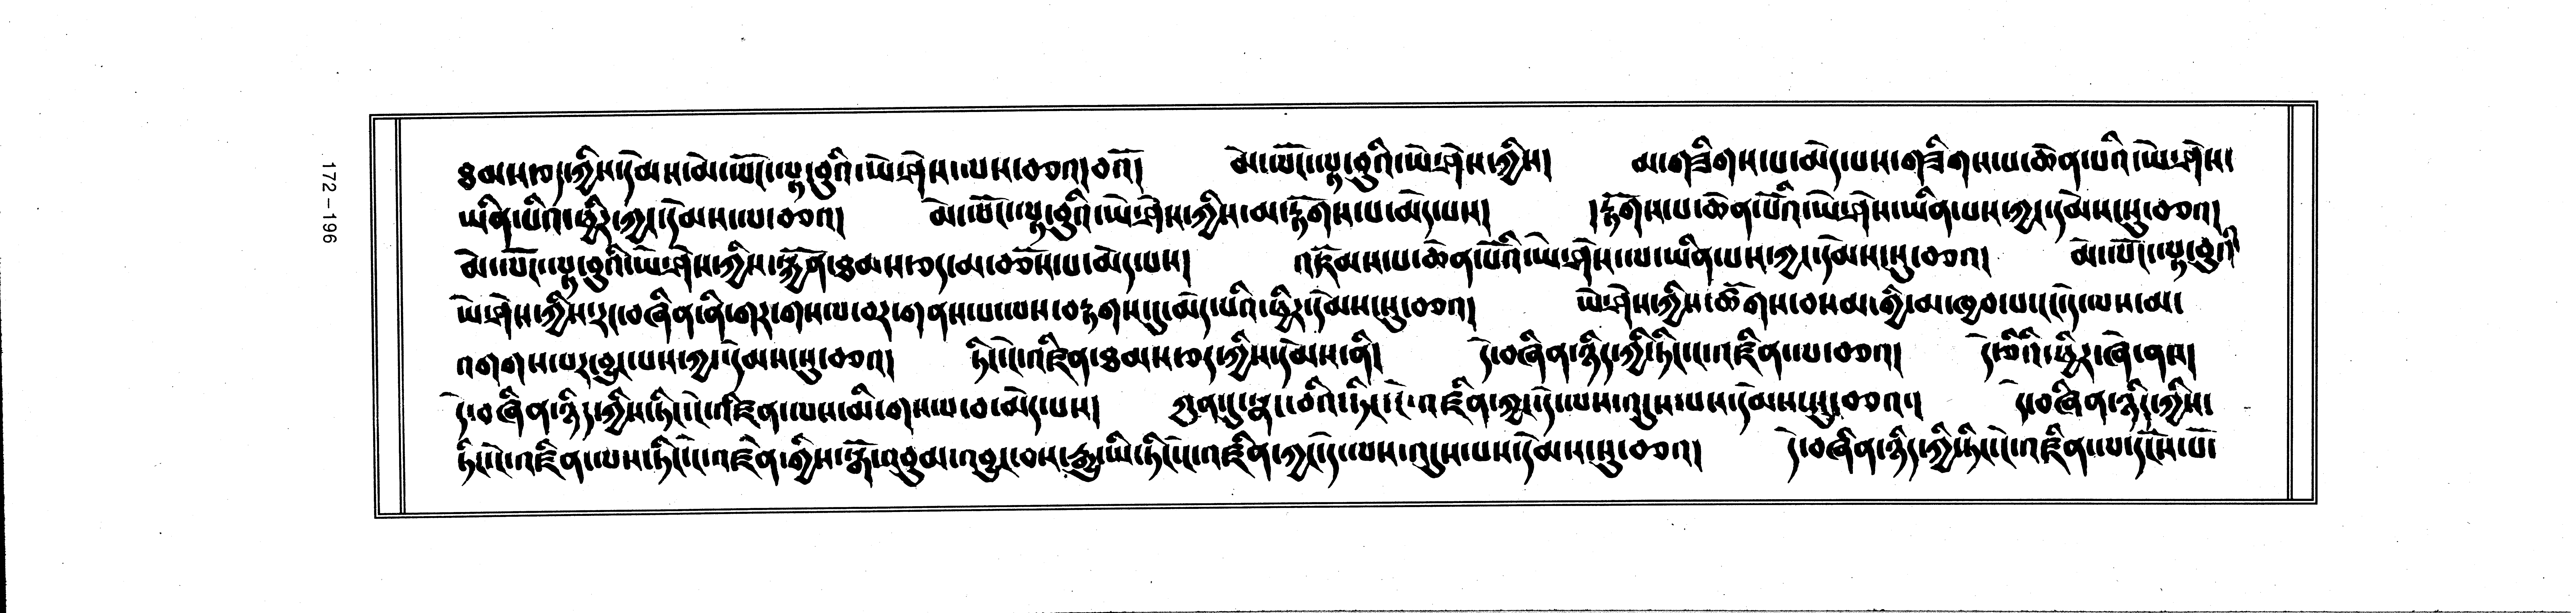ཐམས་ཅད་ཀྱིས་དེམ་མེ་ལོང་ལྟ་བུའི་ཡེ་ཤེས་ལས་བཅའ་བའོ། མེ་ལོང་ལྟ་བུའི་ཡེ་ཤེས་ཀྱིས། མ་གཟིགས་པ་མེད་པས་གཟིགས་པ་ཆེན་པོའི་ཡེ་ཤེས་
ཡིན་པའི་ཕྱིར་ཀྱང་དེམས་ལ་བཅའ། མེ་ལོང་ལྟ་བུའི་ཡེ་ཤེས་ཀྱིས་མ་རྟོགས་པ་མེད་པས། རྟོགས་པ་ཆེན་པོའི་ཡེ་ཤེས་ཡིན་པས་ཀྱང་དེམས་སུ་བཅའ། 
མེ་ལོང་ལྟ་བུའི་ཡེ་ཤེས་ཀྱིས་སྐྱོན་ཐམས་ཅད་མ་བཅོས་པ་མེད་པས། འཇོམས་པ་ཆེན་པོའི་ཡེ་ཤེས་ལ་ཡིན་པས་ཀྱང་དེམས་སུ་བཅའ། མེ་ལོང་ལྟ་བུའི་
ཡེ་ཤེས་ཀྱིས་རང་བཞིན་ནི་གར་གསལ་བར་གནས་པ་ལས་བརྟགས་དུ་མེད་པའི་ཕྱིར་དེམས་སུ་བཅའ། ཡེ་ཤེས་ཀྱིས་ཚོགས་བསམ་གྱི་མ་ཁྱབ་པ་ངང་དེ་ལས་མ་
འགགས་པར་བྱུང་པས་ཀྱང་དེམས་སུ་བཅའ། ཏིང་ངེ་འཛིན་ཐམས་ཅད་ཀྱིས་དེམས་ནི། དེ་བཞིན་ཉིད་ཀྱི་ཏིང་ངེ་འཛིན་ལ་བཅའ། དེ་ཅིའི་ཕྱིར་ཞེ་ནས། 
དེ་བཞིན་ཉིད་ཀྱིས་ཏིང་ངེ་འཛིན་ལས་མི་གསལ་བ་མེད་པས། ཀུན་དུ་སྣང་བའི་ཏིང་ངེ་འཛིན་ཀྱང་དེ་ལས་འདུས་པས་དེམས་སུ་བཅའ། དེ་བཞིན་ཉིད་ཀྱིས་
ཏིང་ངེ་འཛིན་ལས་ཏིང་ངེ་འཛིན་གྱིས་སྒོ་འབུམ་བས་རྒྱུ་ཡི་ཏིང་ངེ་འཛིན་ཀྱང་དེ་ལས་འདུས་པས་དེམས་སུ་བཅའ། དེ་བཞིན་ཉིད་ཀྱི་ཏིང་ངེ་འཛིན་ལ་དངོས་པོ་